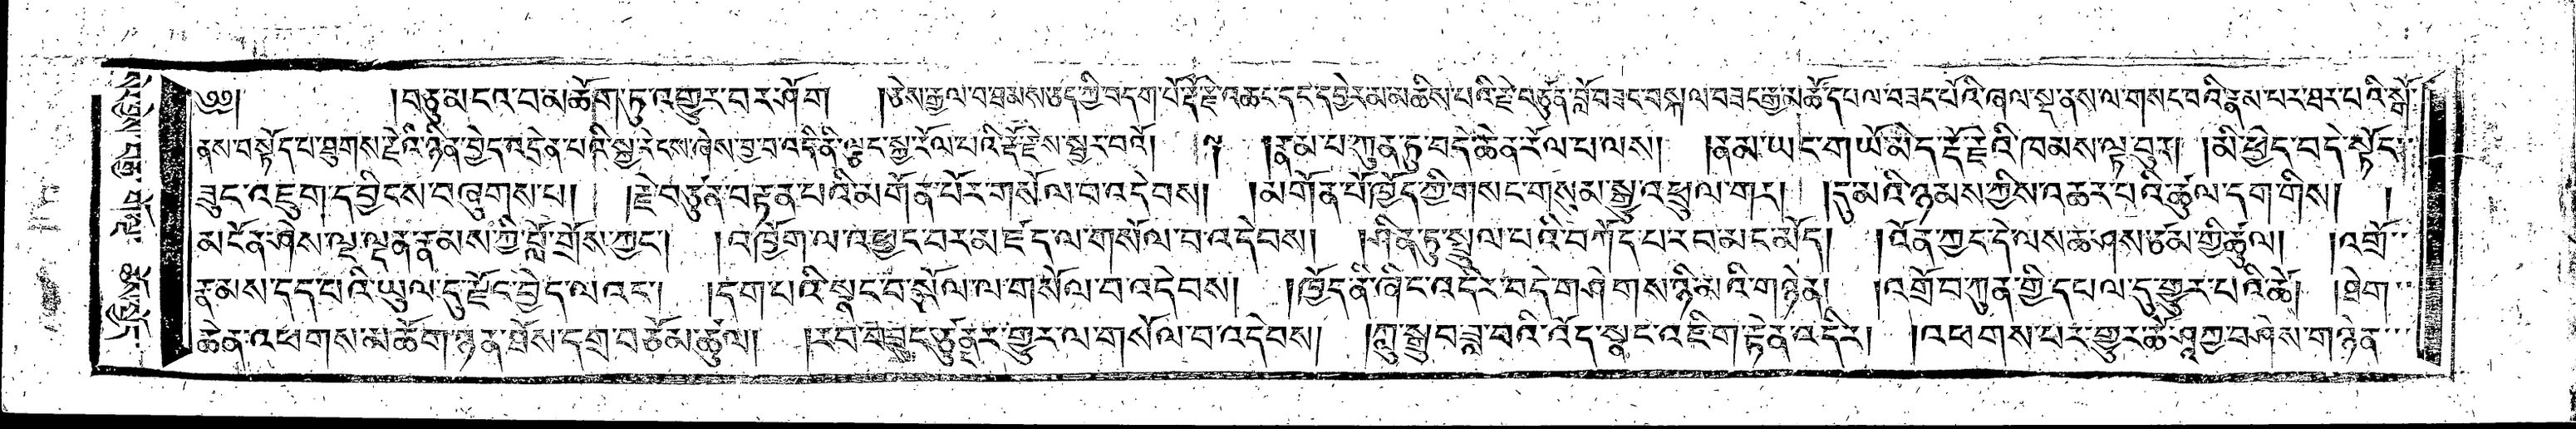༄༅། །བཅུ་མངའ་བ་མཆོག་ཏུ་འགྱུར་བར་ཤོག །ཅེས་རྒྱལ་བ་ཐམས་ཅད་ཀྱི་བདག་པོ་རྡོ་རྗེ་འཆང་དང་དབྱེར་མ་མཆིས་པའི་རྗེ་བཙུན་བློ་བཟང་བསྐལ་བཟང་རྒྱ་མཚོ་དཔལ་བཟང་པོའི་ཞལ་སྔ་ནས་ལ་གསང་བའི་རྣམ་པར་ཐར་པའི་སྒོ་
ནས་བསྟོད་པ་ཐུགས་རྗེའི་ཉིན་བྱེད་འདྲེན་པའི་སྐྱ་རེངས་ཞེས་བྱ་བ་འདི་ནི་ལྕང་སྐྱ་རོལ་པའི་རྡོ་རྗེས་སྦྱར་བའོ། ༈ །རྣམ་པ་ཀུན་ཏུ་བདེ་ཆེན་རོལ་པ་ལས། །ནམ་ཡང་གཡོ་མེད་རྡོ་རྗེའི་ཁམས་ལྟ་བུར། །མི་ཕྱེད་བདེ་སྟོང་
ཟུང་འཇུག་དབྱིངས་བཞུགས་པ། །རྗེ་བཙུན་བརྟན་པའི་མགོན་པོར་གསོལ་བ་འདེབས། །མགོན་པོ་ཁྱོད་ཀྱི་གསང་གསུམ་སྒྱུ་འཕྲུལ་གར། །དུ་མའི་ཉམས་ཀྱིས་འཆར་བའི་ཚུལ་དག་གིས། །
མངོན་ཤེས་ལྔ་ལྡན་རྣམས་ཀྱི་བློ་གྲོས་ཀྱང་། །འཁྱོག་ལ་འཕྱང་བར་མཛད་ལ་གསོལ་བ་འདེབས། །ཤིན་ཏུ་སྤྲུལ་པའི་བཀོད་པ་རབ་མང་མོད། །འོན་ཀྱང་དེ་ལས་ཆ་ཤས་ཙམ་གྱི་ཚུལ། །འགྲོ་
རྣམས་དད་པའི་ཡུལ་དུ་རྫོང་བྱེད་ལའང་། །དག་པའི་སྣང་བ་སྩོལ་ལ་གསོལ་བ་འདེབས། །ཁྱོད་ནི་ཞིང་འདིར་བདེ་གཤེགས་ཉི་མའི་གཉེན། །འགྲོ་བ་ཀུན་གྱི་དཔལ་དུ་གྱུར་པའི་ཚེ། །ཐེག་
ཆེན་འཕགས་མཆོག་ཉན་ཐོས་དགྲ་བཅོམ་ཚུལ། །རབ་བཟུང་ཙུནྡར་གྱུར་ལ་གསོལ་བ་འདེབས། །ཀླུ་སྒྲུབ་ཟླ་བའི་འོད་སྣང་འཇིག་རྟེན་འདིར། །འཕགས་པར་གྱུར་ཚེ་ཤཱཀྱ་བཤེས་གཉེན་